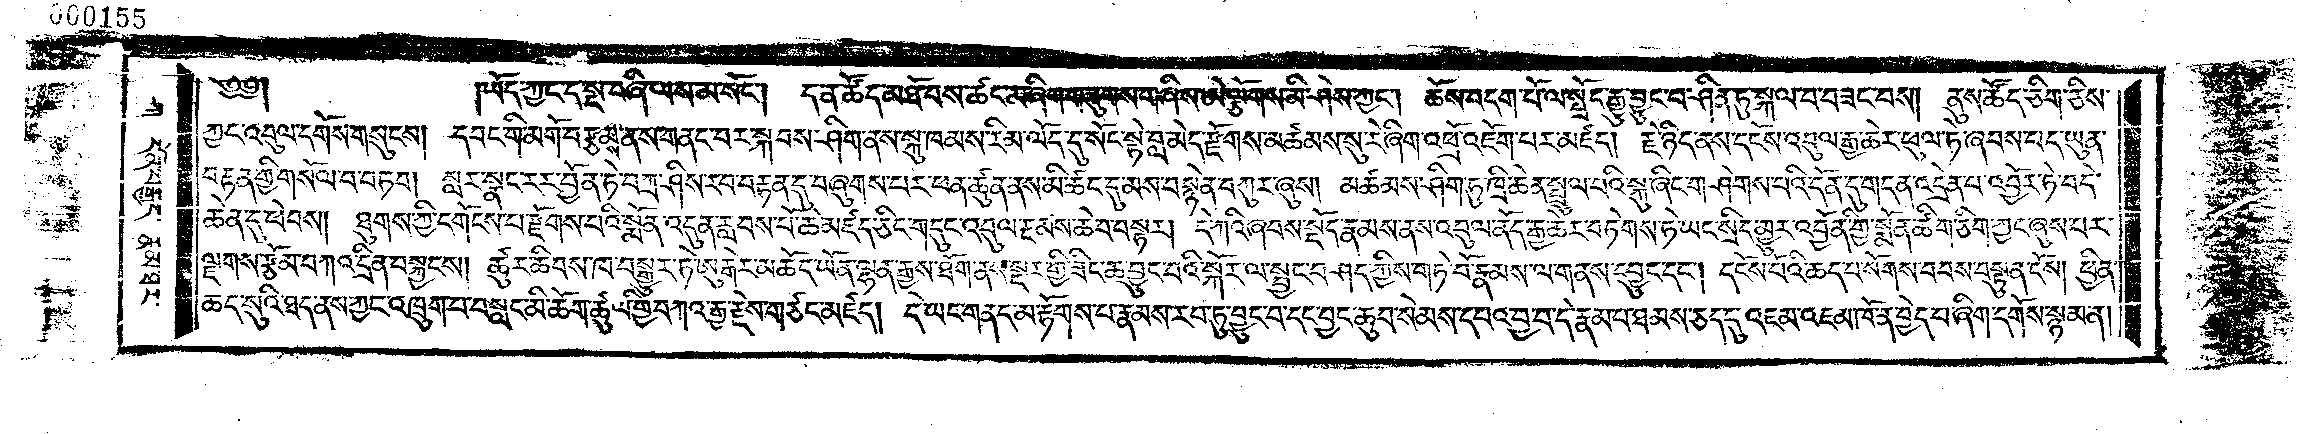༄༅། །ཡོད་ཀྱང་ད་སྔ་བཞི་ལས་མ་སོང་། དན་ཚོད་མཐོ་བས་ཚང་མ་ཞིག་གཟུགས་གཞིས་ཨེ་ལྕོགས་མི་ཤེས་ཀྱང་། ཆོས་བདག་པོ་ལ་སྦྲོད་རྒྱུ་བྱུང་བ་ཤིན་ཏུ་སྐལ་བ་བཟང་བས། ནུས་ཚོད་ཅིག་ཅིས་
ཀྱང་འབུལ་དགོས་གསུངས། དབང་གི་མགོ་བརྩམས་ནས་གནང་བར་སྐབས་ཤིག་ནས་སྐུ་ཁམས་རིམ་ལོད་དུ་སོང་སྟེ་བླ་མེད་རྫོགས་མཚམས་སུ་རེ་ཞིག་འཕྲོ་འཇོག་པར་མཛད། རྗེ་ཉིད་ནས་དངོས་འབུལ་རྒྱ་ཆེར་ཕུལ་ཏེ་ཞབས་བད་ཡུན་
བརྟན་གྱི་གསོལ་བ་བཏབ། སླར་སྣང་རང་བྱོན་ཏེ་བཀྲ་ཤིས་རབ་བརྟན་དུ་བཞུགས་པར་ཕན་ཚུན་ནས་མི་ཚང་དུ་མས་བསྙེན་བཀུར་ཞུས། མཚམས་ཤིག་ཏུ་ཁྲི་ཆེན་སྤྲུལ་པའི་སྐུ་ཞིང་གཤེགས་པའི་དོན་དུ་གདན་འདྲེན་པ་འབྱོར་ཏེ་བདེ་
ཆེན་དུ་ཕེབས། ཐུགས་ཀྱི་དགོངས་པ་རྫོགས་པའི་སྨོན་འདུན་རླབས་པོ་ཆེ་མཛད་ཅིང་གདུང་འབུལ་རྔམས་ཆེ་བ་བསྟར། དེ་ཀའི་ཞབས་སྡོད་རྣམས་ནས་འབུལ་ནོད་རྒྱ་ཆེར་བཏེགས་ཏེ་ཡང་སྲིད་མྱུར་འབྱོན་གྱི་སྨོན་ཚི་གཅིག་ཀྱང་ཇྮུས་པར་
ལྗགས་རྩོམ་བཀའ་དྲིན་བསྐྱངས། ཚུར་ཆིབས་ཁ་བསྒྱུར་ཏེ་ཨུརྒེར་མཆོད་ཡོན་ལྷན་རྒྱས་ཐོག་ནས་སྔར་གྱི་ཟིང་ཆ་བྱུང་པའི་སྐོར་ལ་སྦྱང་བཤད་ཀྱིས་གཏེ་བོ་རྣམས་ལ་གནས་དབྱུང་དང་། དངོས་པོའི་ཆད་པ་སོགས་བབས་བསྟུན་ངོས། ཕྱིན་
ཆད་སུའི་ཐད་ནས་ཀྱང་འཁྲུག་པ་བསླང་མི་ཆོག་ཚུལ་གྱི་བཀའ་རྒྱ་རྗེས་གཙང་མཛད། དེ་ཡང་གནང་མ་རྟོགས་པ་རྣམས་རབ་ཏུ་བྱུང་བ་དང་བྱང་ཆུབ་སེམས་དཔའ་བྱ་བ་དེ་རྣམ་པ་ཐམས་ཅད་དུ་འཇམ་འཇམ་ཁོ་ན་བྱེད་པ་ཞིག་དགོས་སྙམ་ན།